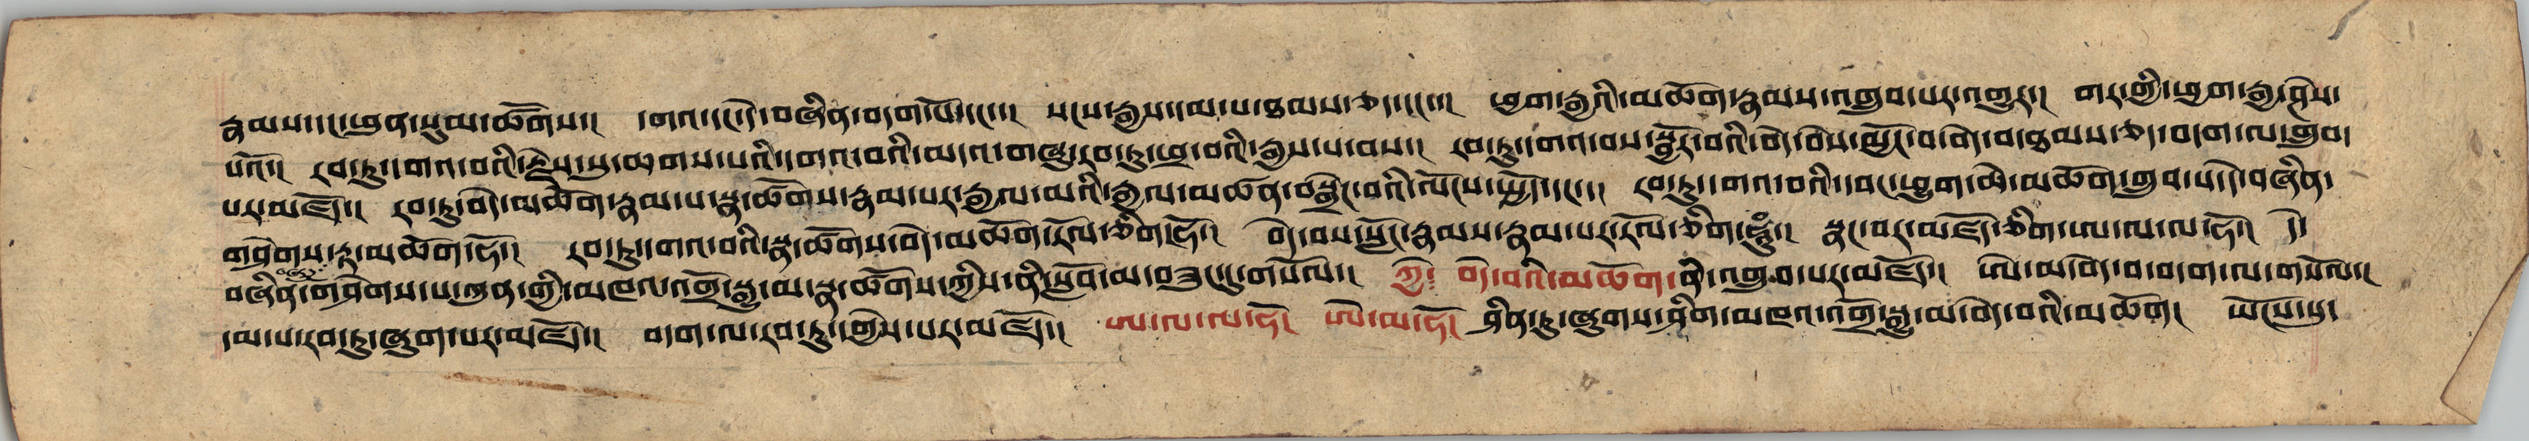རྣམས་དང་ཕུན་སུམ་ཚོགས་། དགའ་དང་དེ་བཞིན་བདག་པོ་དང་་། སངས་རྒྱས་དམ་པ་ཐམས་ཅད་དང་་། ཕྱག་རྒྱའི་མཆོག་རྣམས་འགྲུབ་པར་འགྱུར་། གར་གྱི་ཕྱག་རྒྱ་ཤེས་
པའོ་། རབ་ཏུ་དགའ་བའི་རྗེས་སུ་ཆགས་པའི་དགའ་བའི་མདའ་གཞུ་རབ་ཏུ་ཕྲ་བའི་རྒྱས་པ་བས་། རབ་ཏུ་དགའ་བས་སྦྱོར་བའི་བདེ་བེས་མྱོང་བ་བདེ་བ་ཐམས་ཅད་བདག་ལ་གྲུབ་
པར་མཛོད་། རབ་ཏུ་བདེ་མཆོག་རྣམ་པ་སྣ་ཚོགས་རྣམ་པར་རྒྱལ་མའི་རྒྱལ་མཚན་བསྒྲེང་བའི་ལོངས་སྤྱོད་དང་་། རབ་ཏུ་དགའ་བའི་དབང་ཕྱུག་ཆེ་མཆོག་གྲུབ་པ་དེ་བཞིན་
གཤེགས་བཞད་རྟ་མཆོག་ཧོ་། རབ་ཏུ་དགའ་བའི་སྣ་ཚོགས་བདེ་མཆོག་རོལ་ཅིག་ཧོ་། བདེ་བས་སློང་རྣམས་རྣམ་པར་རོལ་ཅིག་ཧཱུཾ་། སྣང་བར་མཛོད་ཅིག་ཨ་ལ་ལ་ཧོ་། དེ་
བཞིན་གཤེགས་པ་ཀུན་གྱི་མཁའ་འགྲོ་སྒྱུ་མ་སྣ་ཚོགས་ཀྱིས་ནི་སློབ་མ་བཟུང་དུ་གསོལ་། ཀྱེ་ བདེ་བའི་མཆོག་ནི་འགྲུབ་པར་མཛོད་། ཨེ་མ་བདེ་བ་བདག་ལ་གསོལ་།
དམ་པ་རབ་ཏུ་ཞུག་པར་མཛོད་། བདག་ལ་རབ་ཏུ་དགྱེས་པར་མཛོད་། ཨ་ལ་ལ་ཧོ། ཨེ་མ་ཧོ། ཤིན་ཏུ་ཞུགས་ཤིག་མཁའ་འགྲོ་སྒྱུ་མ་བདེ་བའི་མཆོག། ཡོངས་སུ་